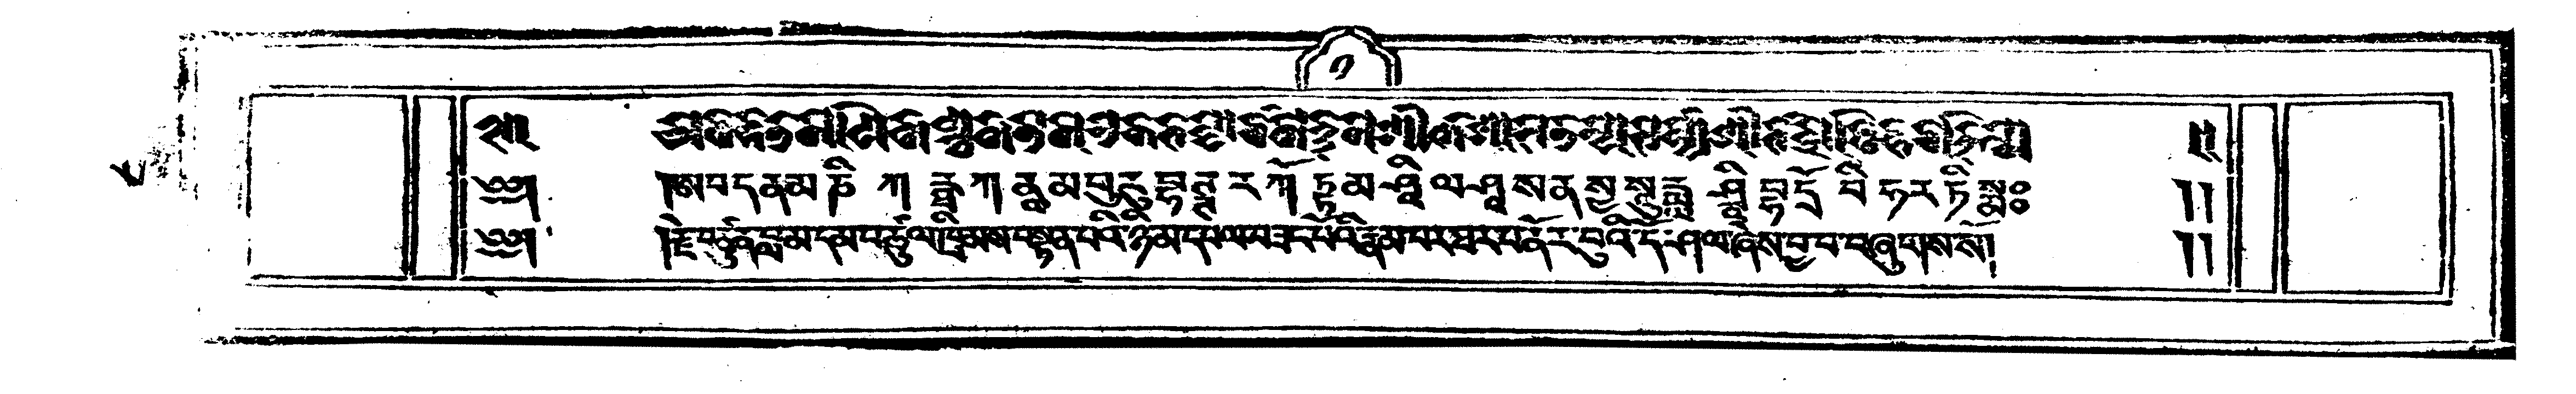༄༅། །ཨབདནམཎིཀཌྠཀནཱམབུཊ་བྷཊྚརཀོཏྟམཤཱིལཤཱས་ནསྱསཱུརླཤྲཱིབྷདྲོབིཧརཏིསྨཿ ། །
༄༅། །རྗེ་བཙུན་བླ་མ་དམ་པ་ཚུལ་ཁྲིམས་བསྟན་བའི་ཉི་མ་དཔལ་བཟང་པོའི་རྣམ་པར་ཐར་པ་ནོར་བུའི་དོ་ཤལ་ཞེས་བྱ་བ་བཞུགས་སོ། །།